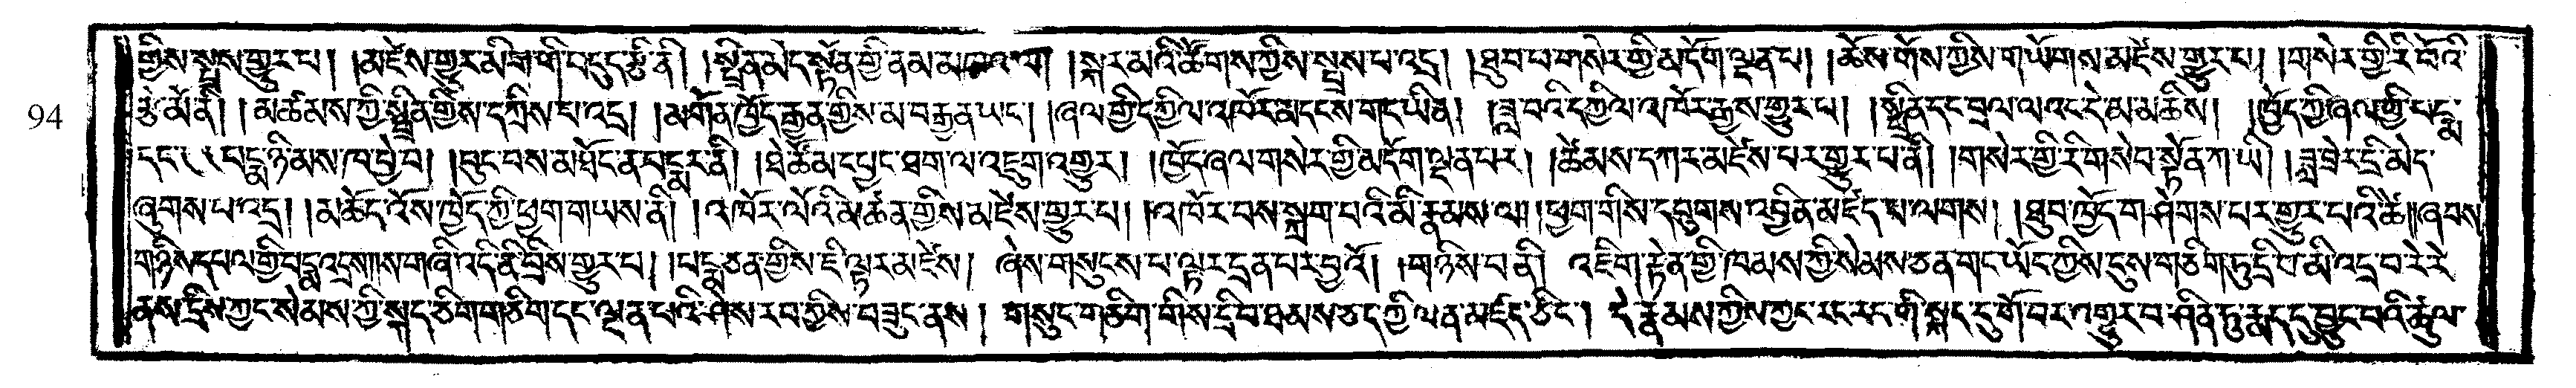གྱིས་སྤྲས་གྱུར་པ། །མཛེས་གྱུར་མིག་གི་བདུད་རྩི་ནི། །སྤྲིན་མེད་སྟོན་གྱི་ནམ་མཁའ་ལ། །སྐར་མའི་ཚོགས་ཀྱིས་སྤྲས་པ་འདྲ། །ཐུབ་པ་གསེར་གྱི་མདོག་ལྡན་པ། །ཆོས་གོས་ཀྱིས་གཡོགས་མཛེས་གྱུར་པ། །གསེར་གྱི་རི་བོའི་
རྩེ་མོ་ནི། །མཚམས་ཀྱི་སྤྲིན་གྱིས་དཀྲིས་པ་འདྲ། །མགོན་ཁྱོད་རྒྱུན་གྱིས་མ་བརྒྱན་ཡང་། །ཞལ་གྱི་དཀྱིལ་འཁོར་མདངས་གང་ཡིན། །ཟླ་བའི་དཀྱིལ་འཁོར་རྒྱས་གྱུར་པ། །སྤྲིན་དང་བྲལ་ལའང་དེ་མ་མཆིས། །ཁྱོད་ཀྱི་ཞལ་གྱི་པདམ་
དང༑ ༑པདམ་ཉི་མས་ཁ་བྱེ་བ། །བུང་བས་མཐོང་ན་པདམར་ནི། །ཐེ་ཚོམ་དཔྱང་ཐག་ལ་འཇུག་འགྱུར། །ཁྱོད་ཞལ་གསེར་གྱི་མདོག་ལྡན་པར། །ཚེམས་དཀར་མཛེས་པར་གྱུར་པ་ནི། །གསེར་གྱི་རི་གསེབ་སྟོན་ཀ་ཡི། །ཟླ་བྲེར་དྲི་མེད་
ཞུགས་པ་འདྲ། །མཆོད་འོས་ཁྱོད་ཀྱི་ཕྱག་གཡས་ནི། །འཁོར་ལོའི་མཚན་གྱིས་མཛེས་གྱུར་པ། །འཁོར་བས་སྐྲག་པའི་མི་རྣམས་ལ་། །ཕྱག་གིས་དབུགས་འབྱིན་མཛད་པ་ལགས། །ཐུབ་ཁྱོད་གཤེགས་པར་གྱུར་པའི་ཚེ། །ཞབས་
གཉིས་དཔལ་གྱི་པདམ་འདྲས། །ས་གཞི་འདི་ནི་བྲིས་གྱུར་པ། །པདམ་ཅན་གྱི་ཇི་ལྟར་མཛེས། ཞེས་གསུངས་པ་ལྟར་དྲན་པར་བྱའོ། །གཉིས་པ་ནི། འཇིག་རྟེན་གྱི་ཁམས་ཀྱི་སེམས་ཅན་གང་ཡོང་ཀྱིས་དུས་གཅིག་ཏུ་དྲི་པ་མི་འདྲ་བ་རེ་རེ་
ནས་དྲིས་ཀྱང་སེམས་ཀྱི་སྐད་ཅིག་གཅིག་དང་ལྡན་པའི་ཤེས་རབ་ཀྱི་བཟུང་ནས། གསུང་གཅིག་གིས་དྲི་བ་ཐམས་ཅད་ཀྱི་ལན་མཛད་ཅིང་། དེ་རྣམས་ཀྱིས་ཀྱང་རང་རང་གི་སྐད་དུ་གོ་བར་འགྱུར་བ་ཤིན་ཏུ་རྨད་དུ་བྱུང་བའི་ཚུལ་